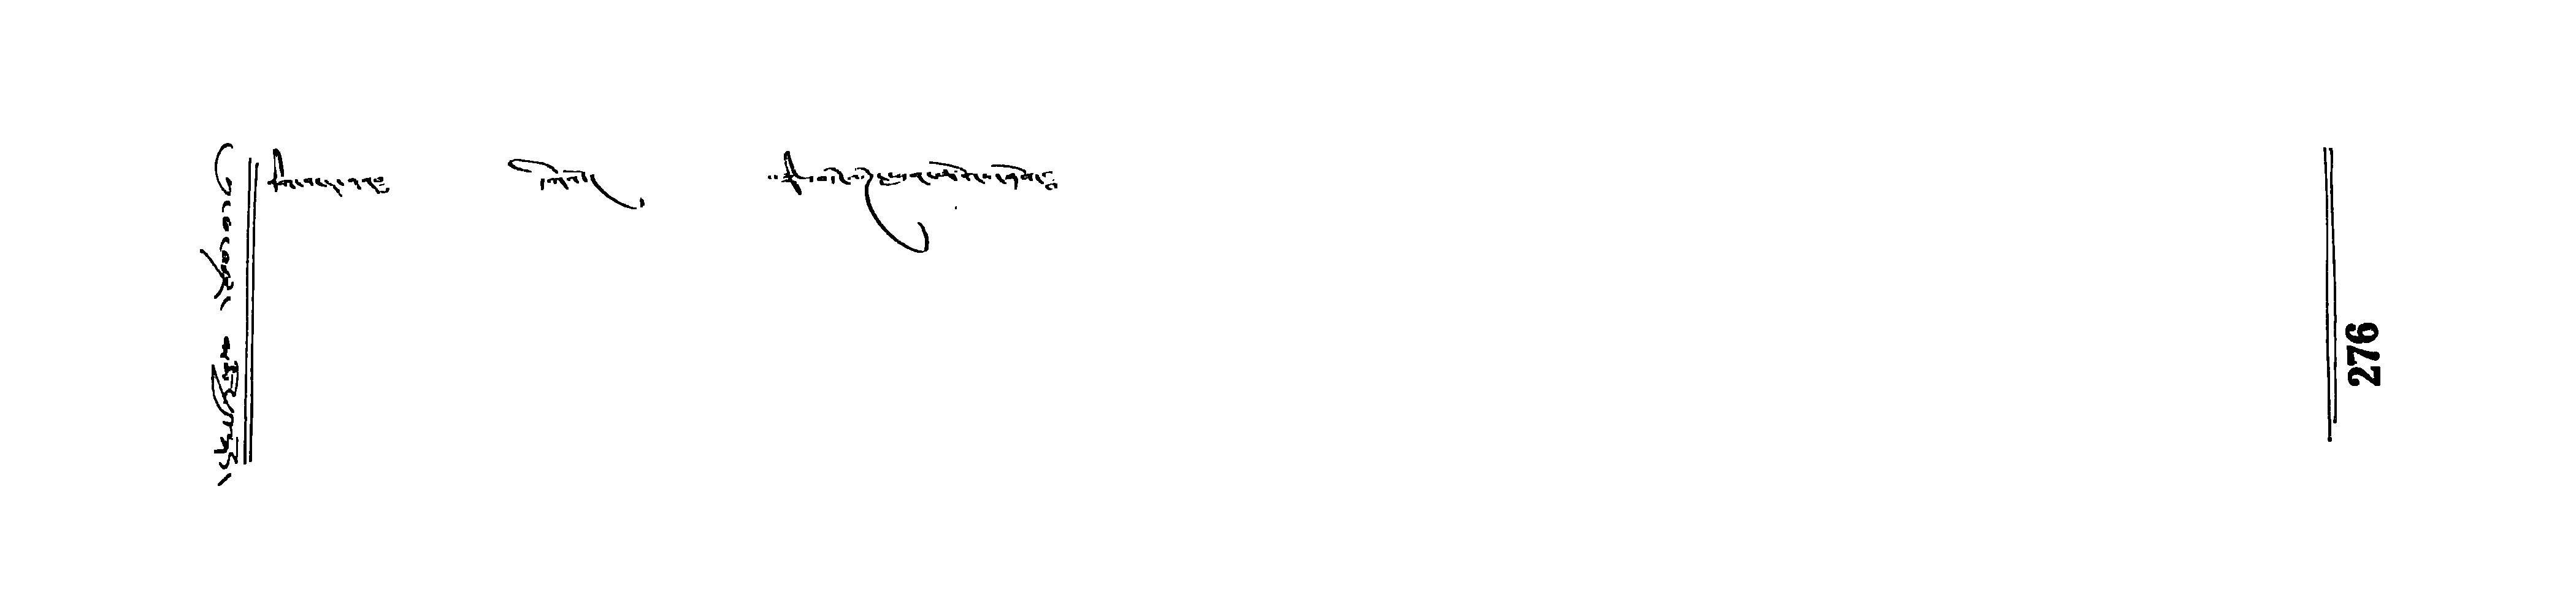ཤིག་ན་ར་ཀན༔ དགེའོ། བཀྲ་ཤིས་བདེ་ལེགས་ཕུན་ཚོགས་ཤོག༔